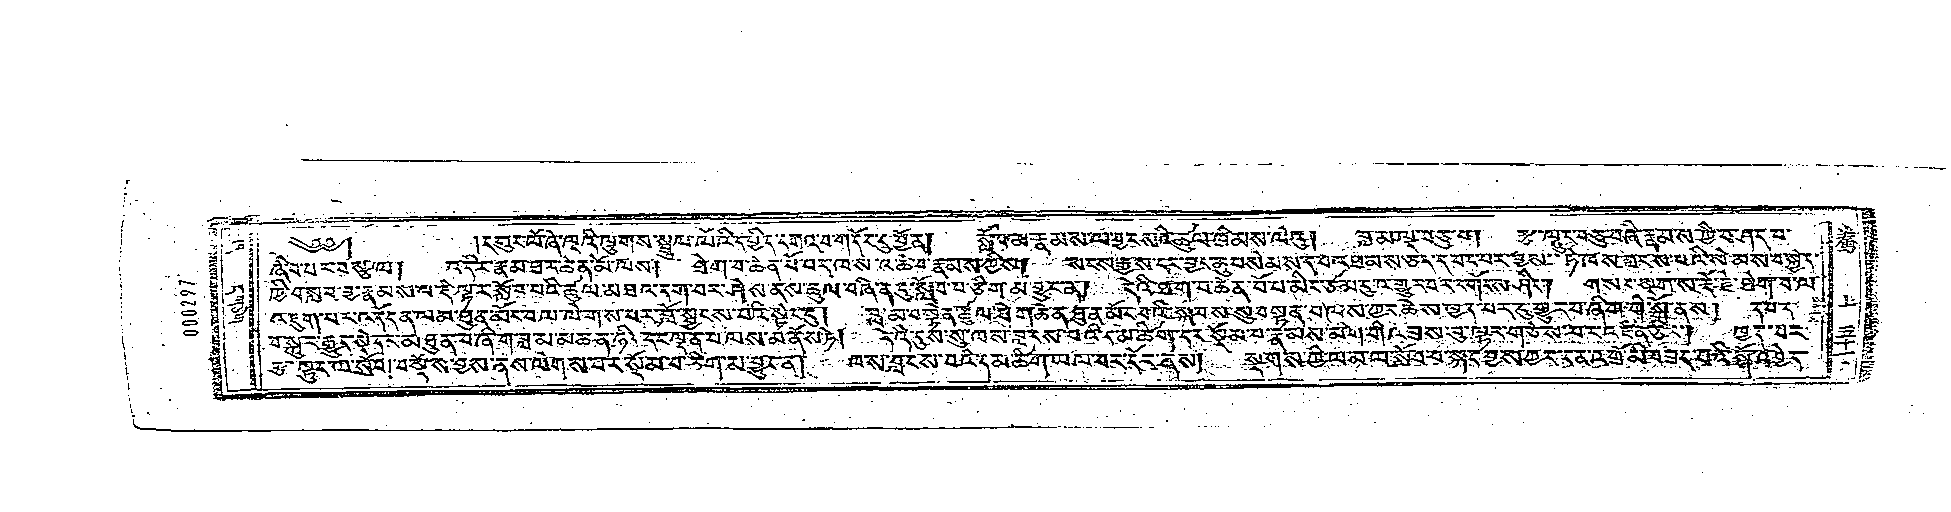༄༅། །དགུང་ལོ་ཞེ་ལྔའི་ལྕགས་སྦྲུལ་ལོའི་དཔྱིད་དགའ་བ་གདོང་དུ་བྱོན། སློབ་མ་རྣམས་ལ་བྱང་སའི་ཚུལ་ཁྲིམས་ལེའུ། བླ་མ་ལྔ་བཅུ་པ། རྩ་ལྟུང་བཅུ་བཞི་རྣམས་ཀྱི་བཤད་པ་
ཞིབ་པར་བསྩལ། འདིར་རྣམ་ཐར་ཆེན་མོ་ལས། ཐེག་པ་ཆེན་པོ་བར་ཁས་འཆེ་བ་རྣམས་ཀྱིས། སངས་རྒྱས་དང་བྱང་ཆུབ་སེམས་དཔའ་ཐམས་ཅད་དཔང་པོར་བྱས་ཏེ་ཁས་བླངས་པའི་སེམས་བསྐྱེད་
ཀྱི་བསླབ་བྱ་རྣམས་ལ་ཇི་ལྟར་སློབ་པའི་ཚུལ་མཐའ་དག་བར་ཤེས་ནས་ཚུལ་བཞིན་དུ་སློབ་པ་ཅིག་མ་བྱུང་ན། །དེའི་ཐེག་བ་ཆེན་པོ་པ་མིང་ཙམ་དུ་འགྱུར་བར་དགོངས་ཤིང་། གསང་སྔགས་རྡོ་རྗེ་ཐེག་པ་ལ་
འཇུག་པར་འདོད་ན་ལམ་ཐུན་མོང་བལ་ལེགས་པར་བློ་སྦྱངས་པའི་སྟེང་དུ། བླ་མ་བསྟེན་ཚུལ་ཐེག་ཆེན་ཐུན་མངོ་བའི་སྐབས་སུ་བསྟན་པ་ལས་ཀྱང་ཆེས་ཁྱད་པར་དུ་གྱུར་པ་ཞིག་གི་སྒྲོ་ནས། དབང་
བསྐུར་རྒྱུད་སྡེ་དང་མཐུན་པ་ཞིག་བླ་མ་མཚན་ཉིད་དང་ལྡན་པ་ལས་མནོས་ཏེ། རེའི་དུས་སུ་ཁས་བླངས་བའི་དམ་ཚིག་དང་སྡོམ་པ་རྣམས་མིག་གི་འབརས་བུ་ལྟར་གཅེས་པར་འཛིན་ཅིང་། ཁྱད་པར་
རྩ་ལྟུང་ལ་སྲོག་བསྡོས་བྱས་ནས་ལེགས་པར་སྡོམ་པ་ཅིག་མ་བྱུང་ན། ཁས་བླངས་པའི་དམ་ཚིག་ཡལ་བར་དོར་ནས། སྔགས་ཀྱི་ལམ་ལ་སློབ་བ་སྐད་བྱས་ཀྱང་ངན་འགྲོ་མི་བཟད་པའི་སྒོ་འབྱེད་